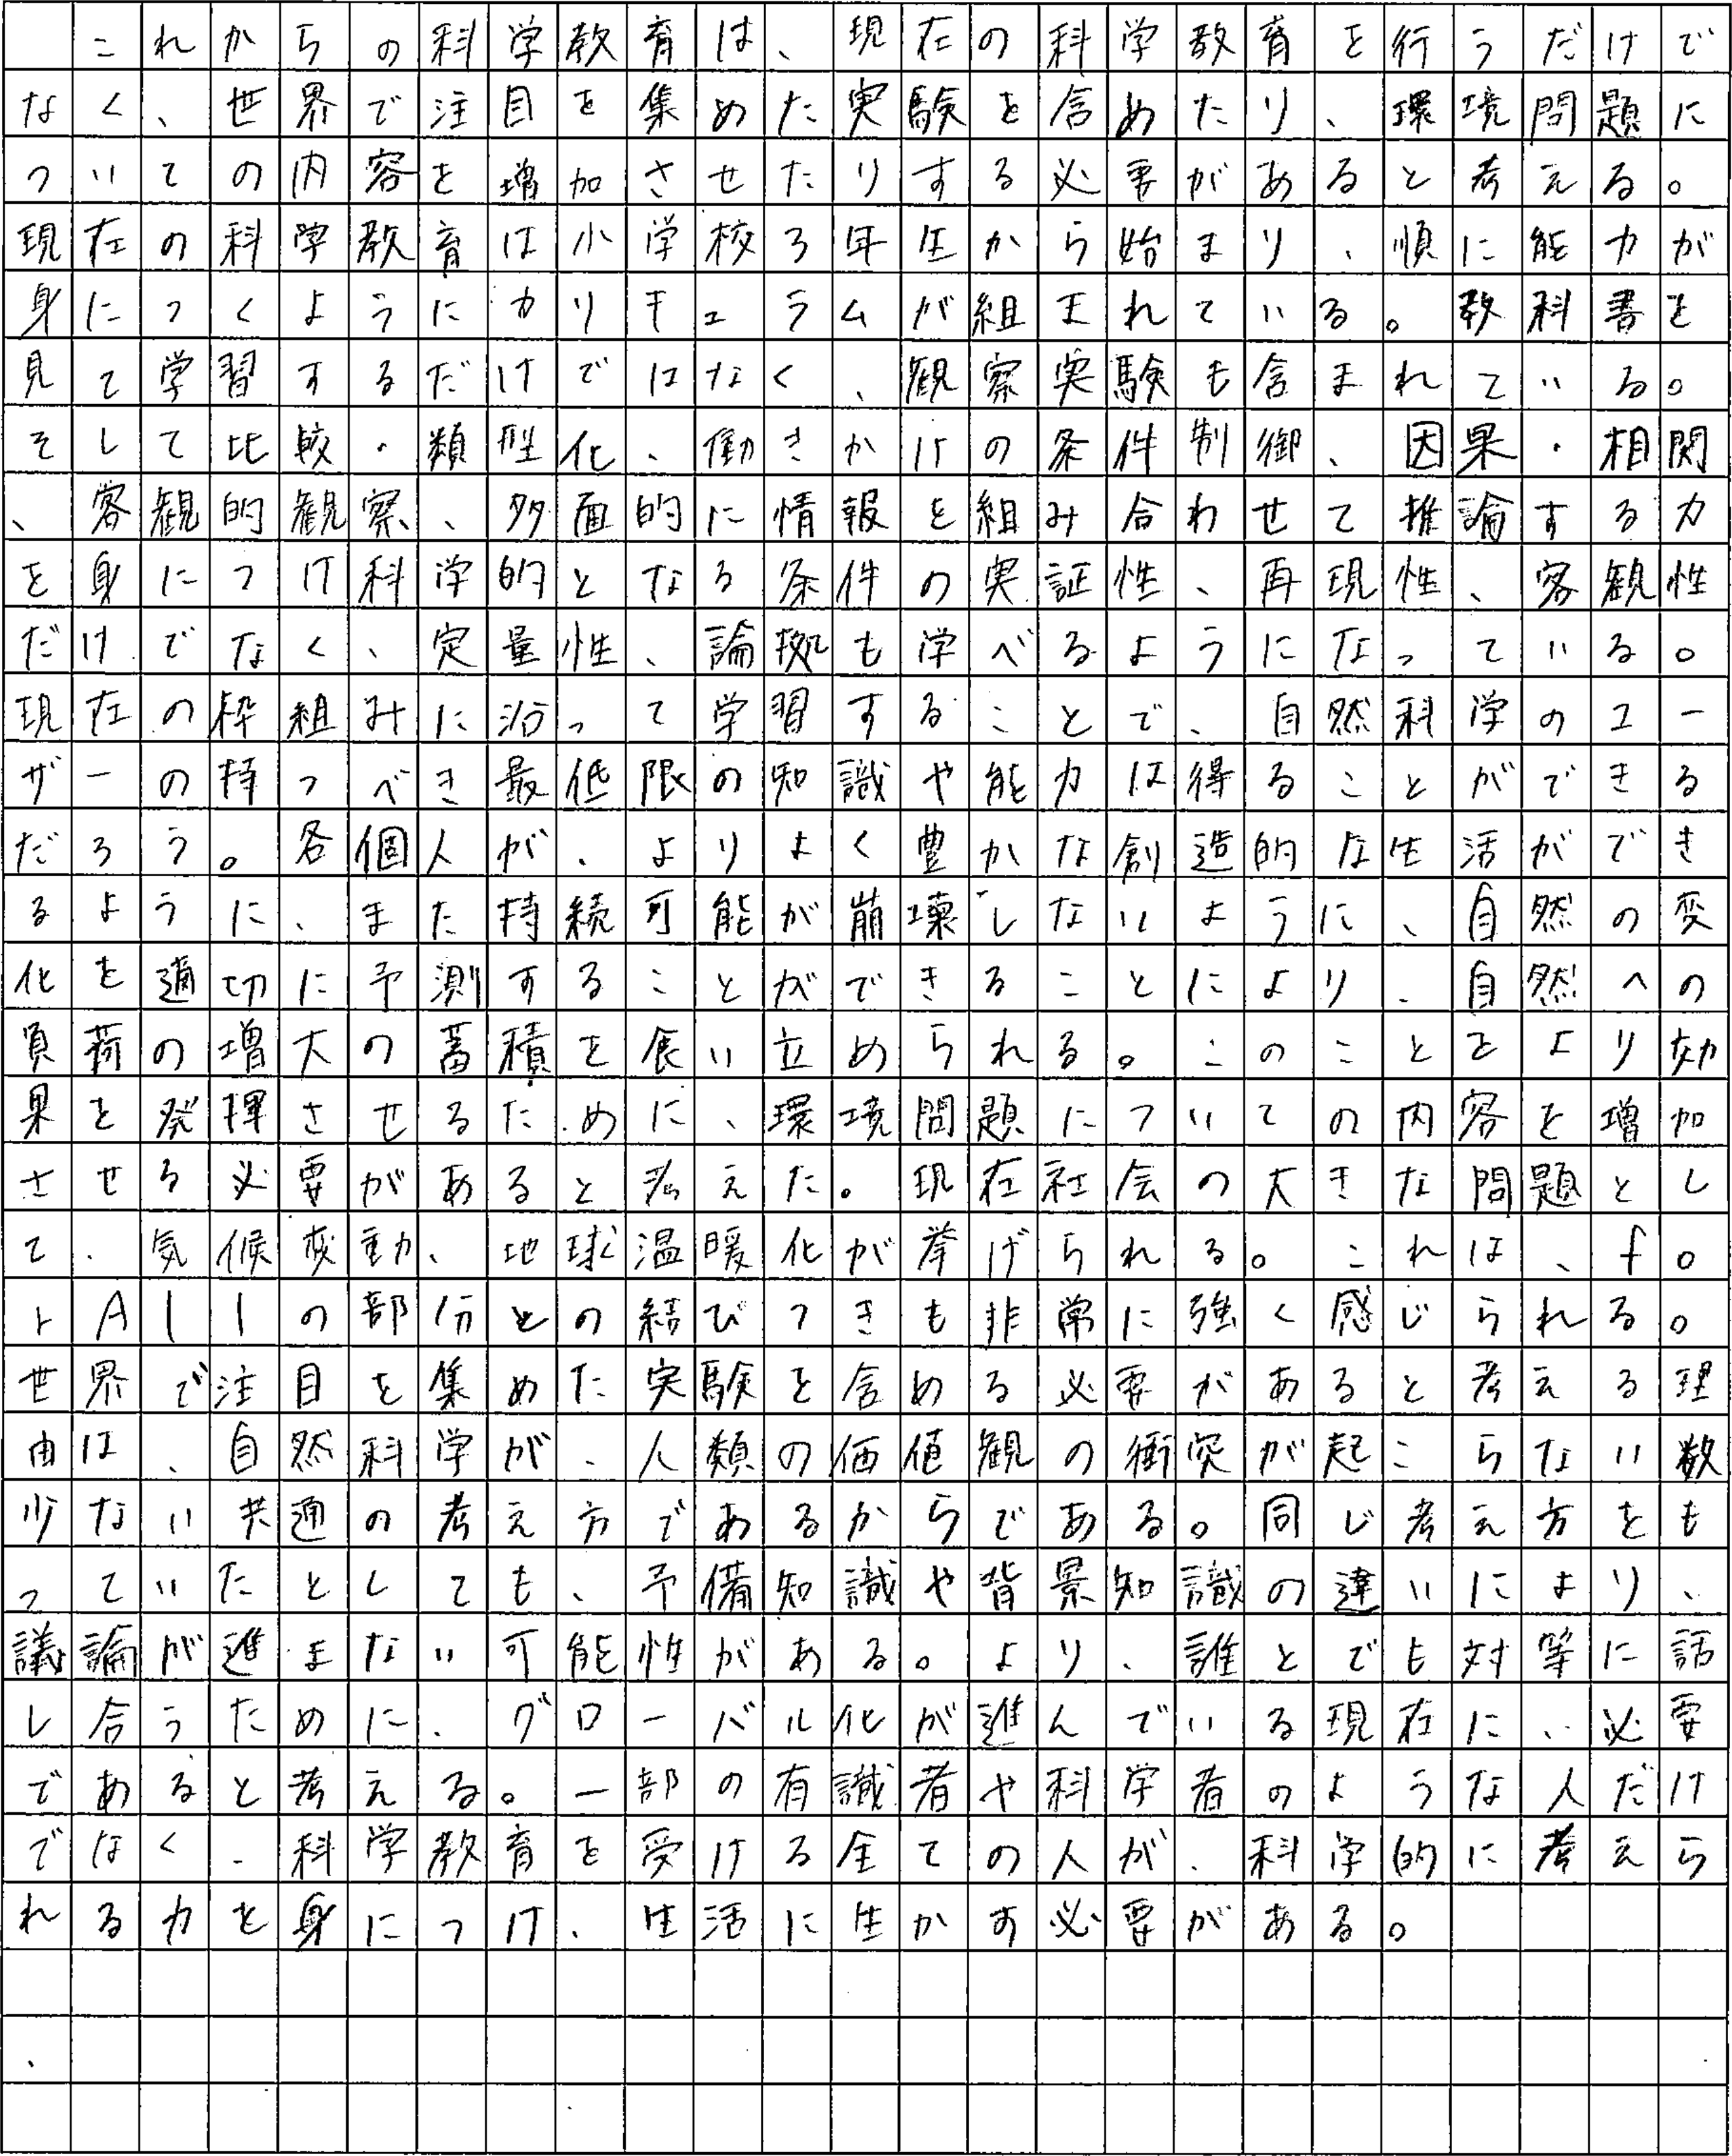　これからの科学教育は、現在の科学教育を行うだけでなく、世界で注目を集めた実験を含めたり、環境問題についての内容を増加させたりする必要があると考える。現在の科学教育は小学校３年生から始まり、順に能力が身につくようにカリキュラムが組まれている。教科書を見て学習するだけではなく、観察実験も含まれている。そして比較・類型化、働きかけの条件制御、因果・相関、客観的観察、多面的に情報を組み合わせて推論する力を身につけ科学的となる条件の実証性、再現性、客観性だけでなく、定量性、論拠も学べるようになっている。現在の枠組みに沿って学習することで、自然科学のユーザーの持つべき最低限の知識や能力は得ることができるだろう。各個人が、よりよく豊かな創造的な生活ができるように、また持続可能が崩壊しないように、自然の変化を適切に予測することができることにより、自然への負荷の増大の蓄積を食い立められる。このことをより効果を発揮させるために、環境問題についての内容を増加させる必要があると考えた。現在社会の大きな問題として、気候変動、地球温暖化が挙げられる。これは、ｆｏｒＡｌｌの部分との結びつきも非常に強く感じられる。世界で注目を集めた実験を含める必要があると考える理由は、自然科学が、人類の価値観の衝突が起こらない数少ない共通の考え方であるからである。同じ考え方をもっていたとしても、予備知識や背景知識の違いにより、議論が進まない可能性がある。より、誰とでも対等に話し合うために、グローバル化が進んでいる現在に、必要であると考える。一部の有識者や科学者のような人だけでなく、科学教育を受ける全ての人が、科学的に考えられる力を身につけ、生活に生かす必要がある。
